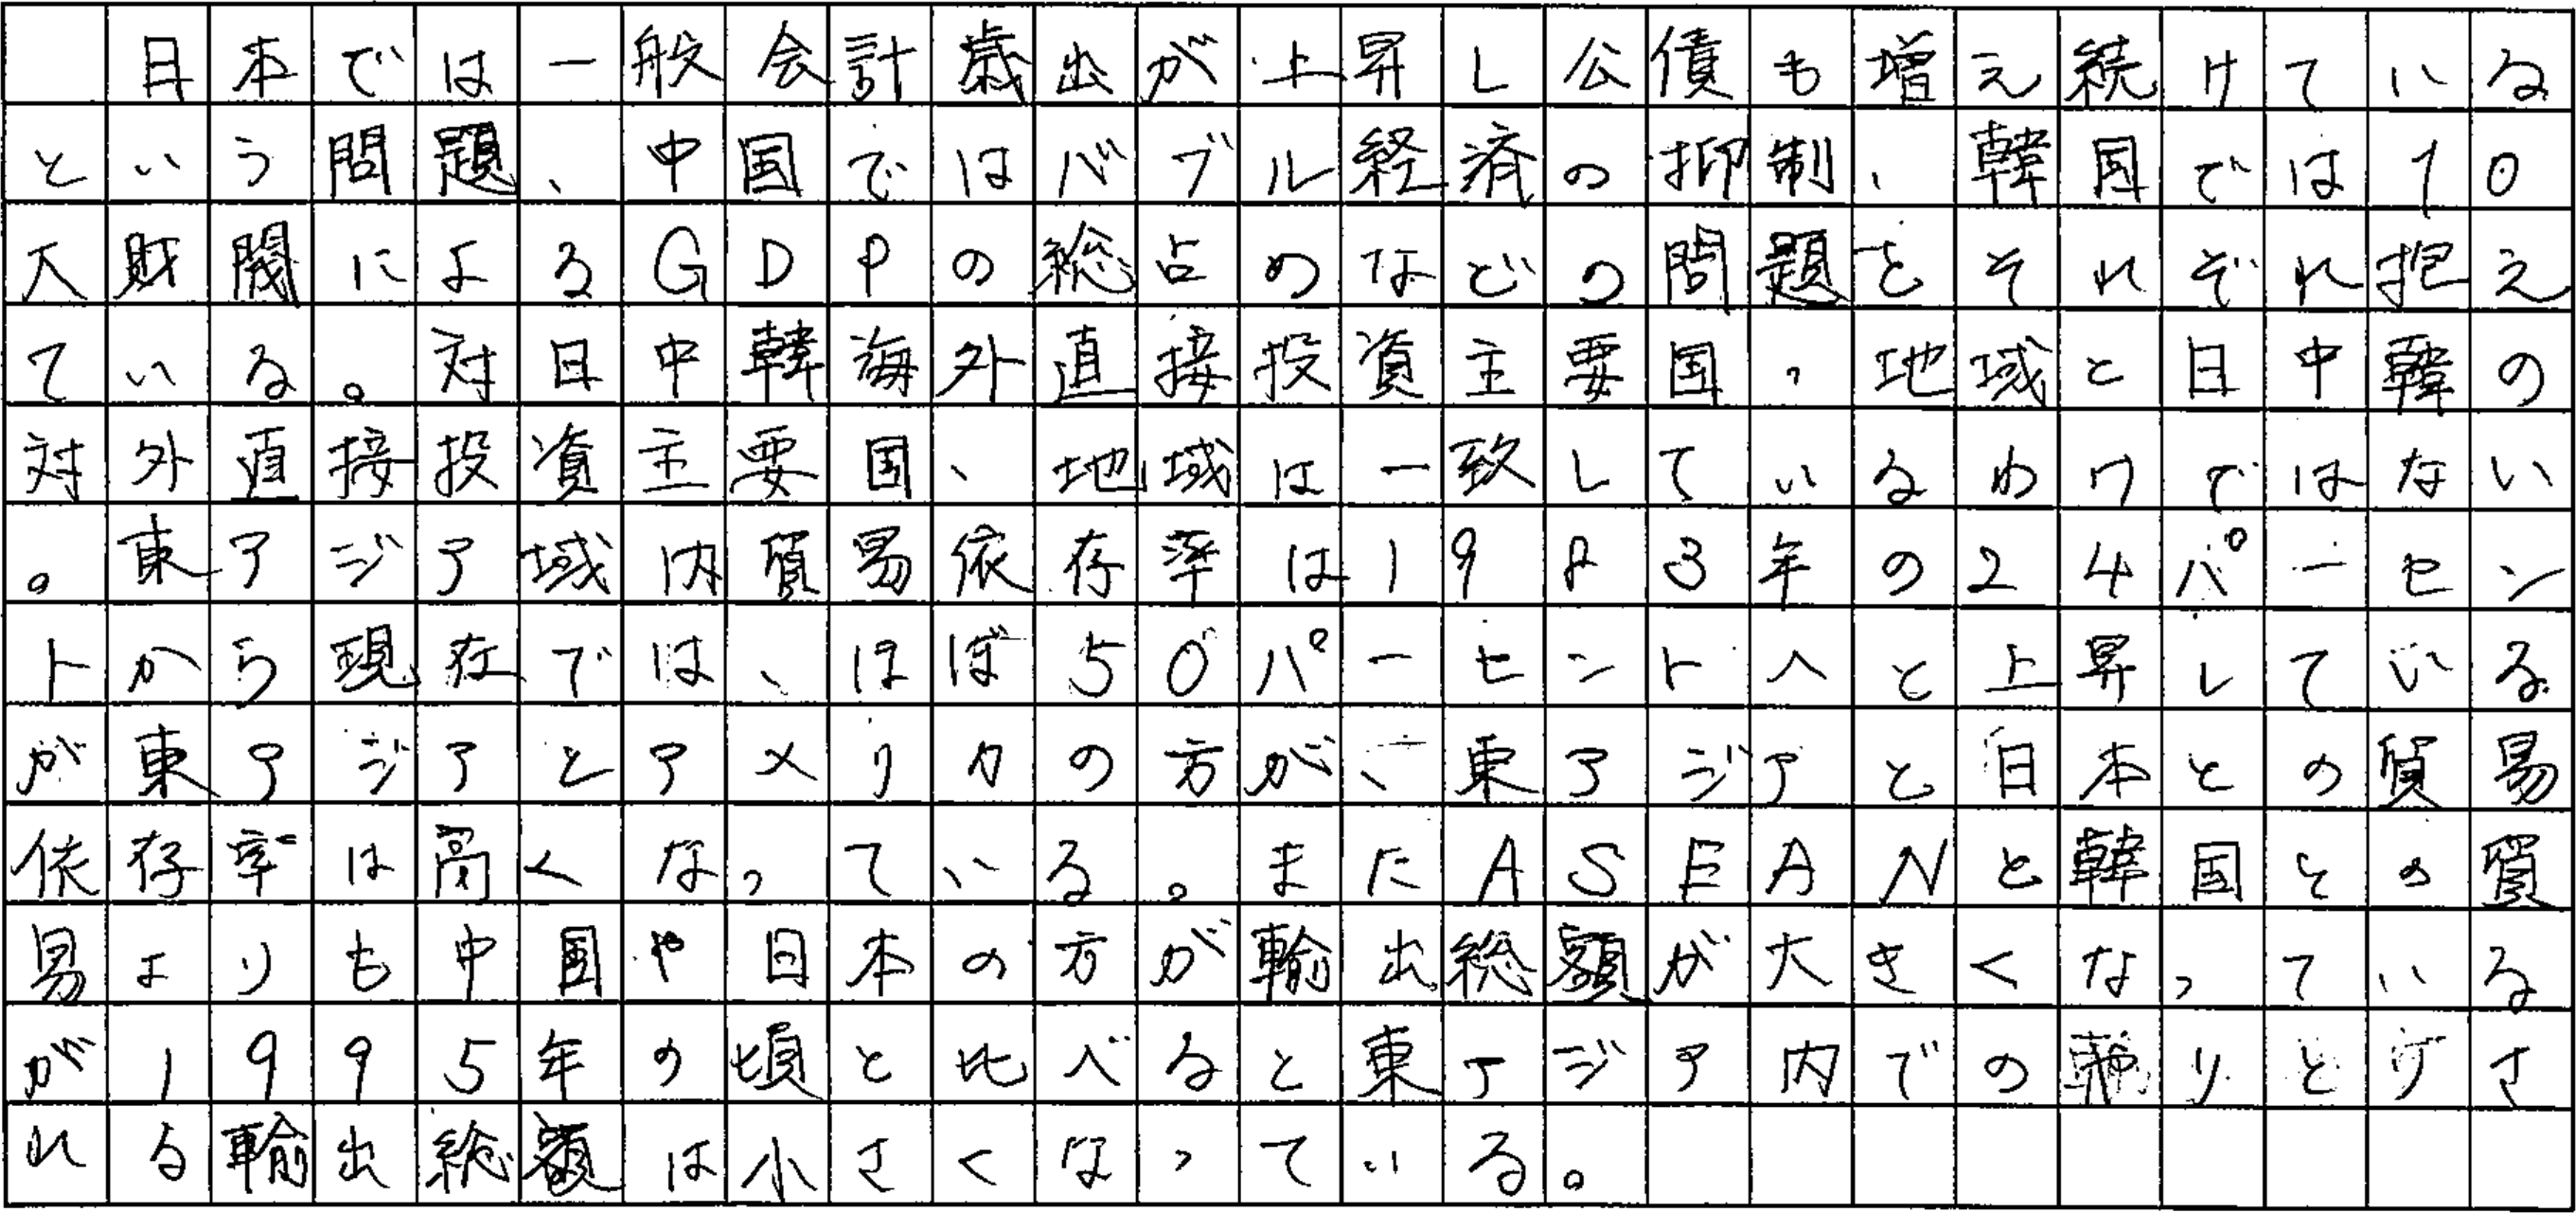　日本では一般会計歳出が上昇し公債も増え続けているという問題、中国ではバブル経済の抑制、韓国では１０大財閥によるＧＤＰの総占めなどの問題をそれぞれ抱えている。対日中韓海外直接投資主要国・地域と日中韓の対外直接投資主要国、地域は一致しているわけではない。東アジア域内貿易依存率は１９８３年の２４パーセントから現在では、ほぼ５０パーセントへと上昇しているが東アジアとアメリカの方が、東アジアと日本との貿易依存率は高くなっている。またＡＳＥＡＮと韓国との貿易よりも中国や日本の方が輸出総額が大きくなっているが１９９５年の頃と比べると東アジア内でのやりとりされる輸出総額は小さくなっている。
